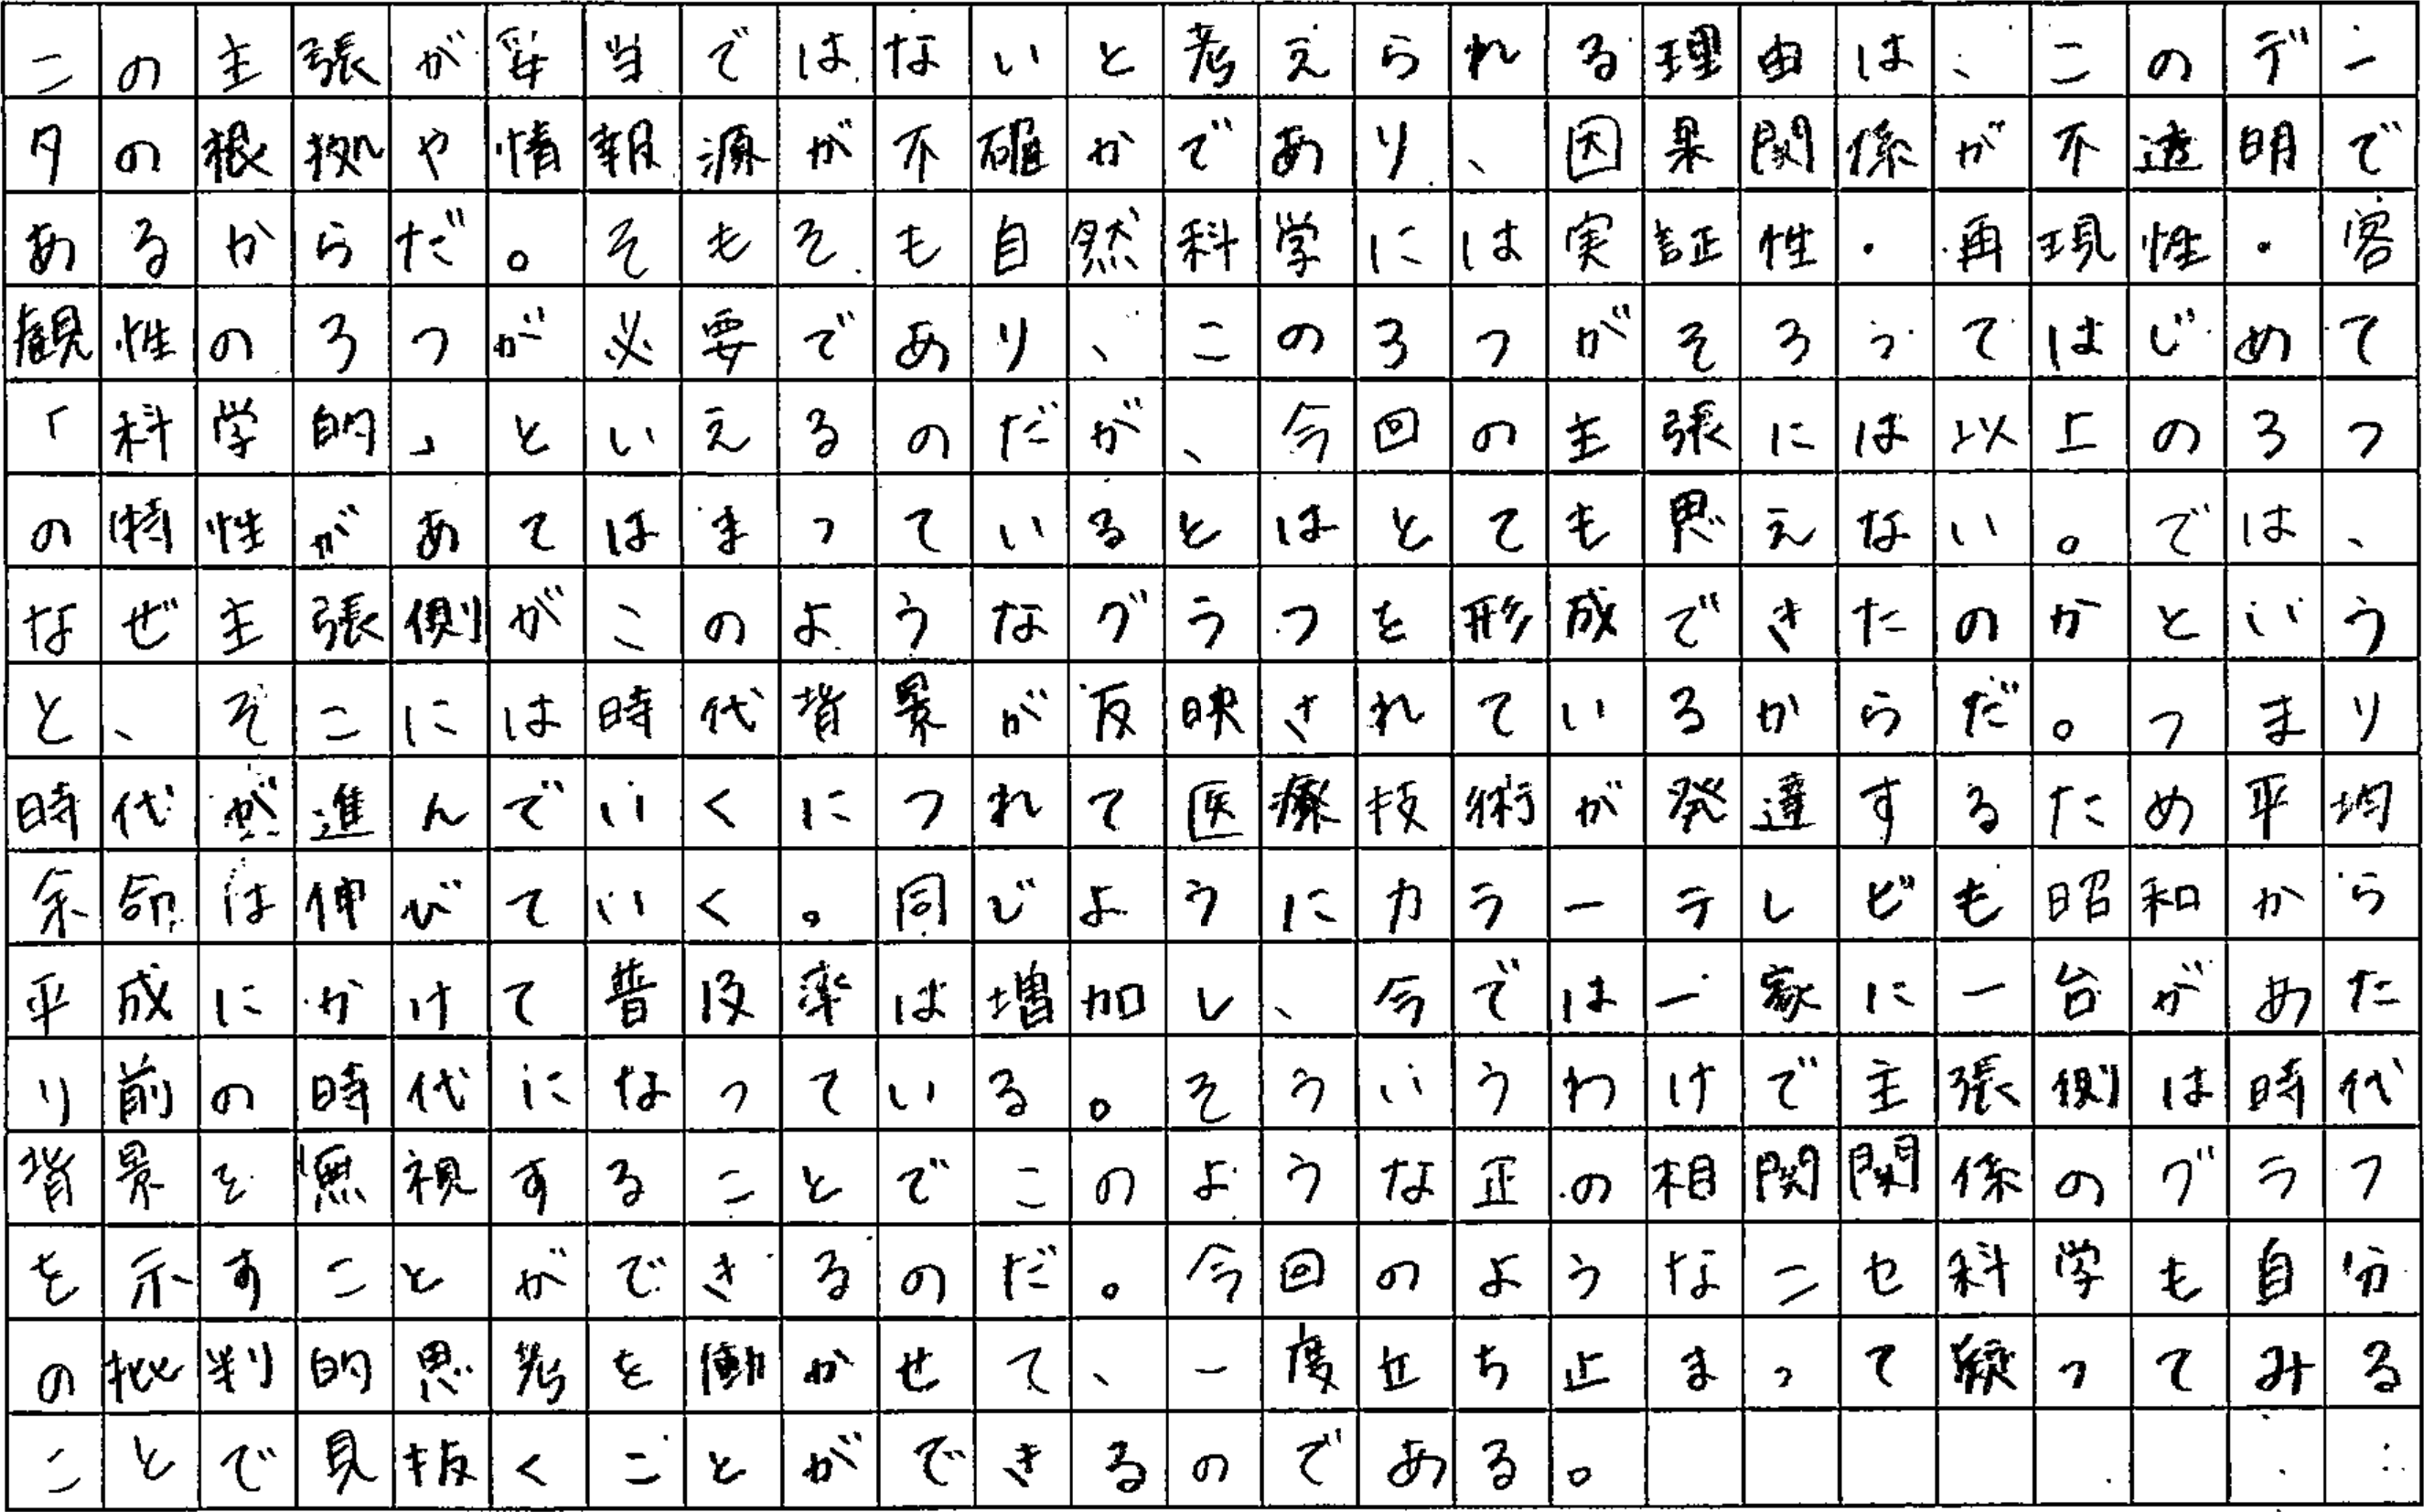この主張が妥当ではないと考えられる理由は、このデータの根拠や情報源が不確かであり、因果関係が不透明であるからだ。そもそも自然科学には実証性・再現性・客観性の３つが必要であり、この３つがそろってはじめて「科学的」といえるのだが、今回の主張には以上の３つの特性があてはまっているとはとても思えない。では、なぜ主張側がこのようなグラフを形成できたのかというと、そこには時代背景が反映されているからだ。つまり時代が進んでいくにつれて医療技術が発達するため平均余命は伸びていく。同じようにカラーテレビも昭和から平成にかけて普及率は増加し、今では一家に一台があたり前の時代になっている。そういうわけで主張側は時代背景を無視することでこのような正の相関関係のグラフを示すことができるのだ。今回のようなニセ科学も自分の批判的思考を働かせて、一度立ち止まって疑ってみることで見抜くことができるのである。
